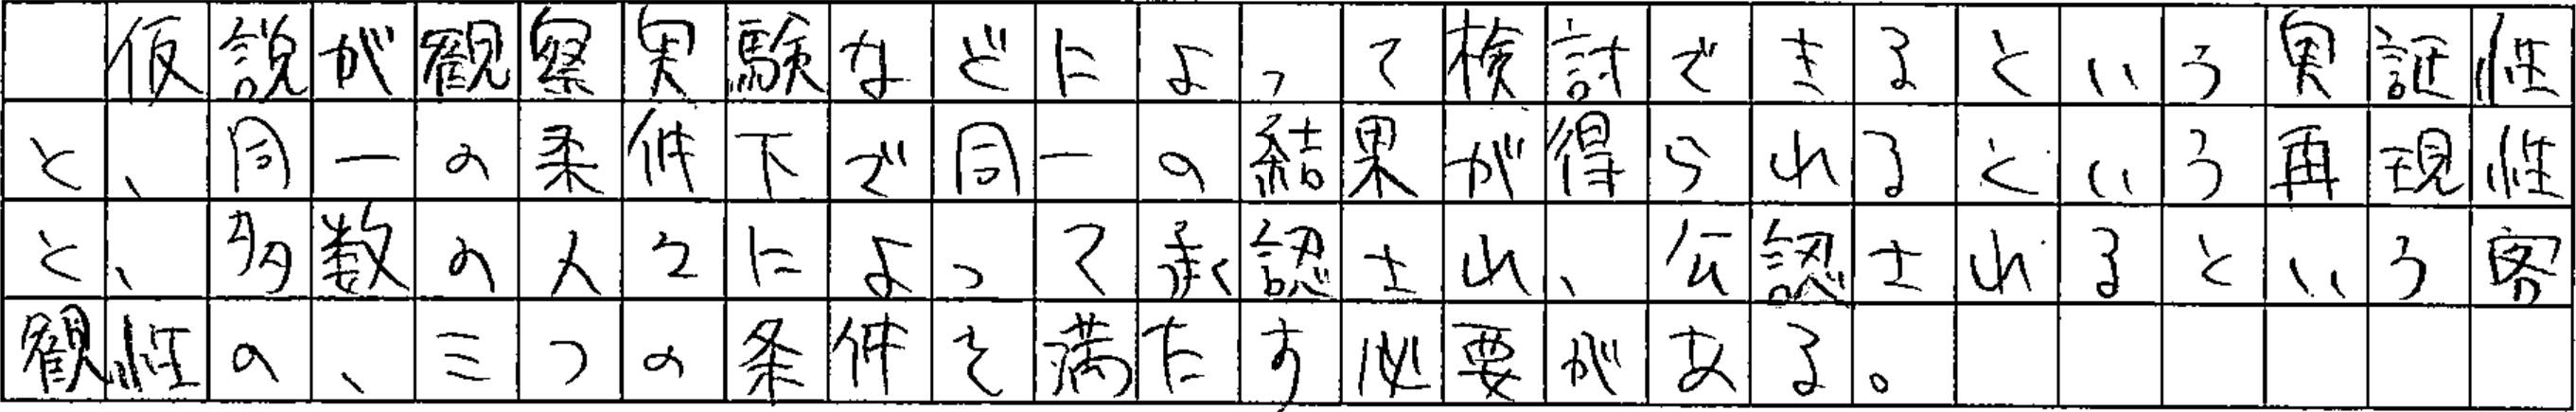　仮説が観察実験などによって検討できるという実証性と、同一の条件下で同一の結果が得られるという再現性と、多数の人々によって承認され、公認されるという客観性の、三つの条件を満たす必要がある。
